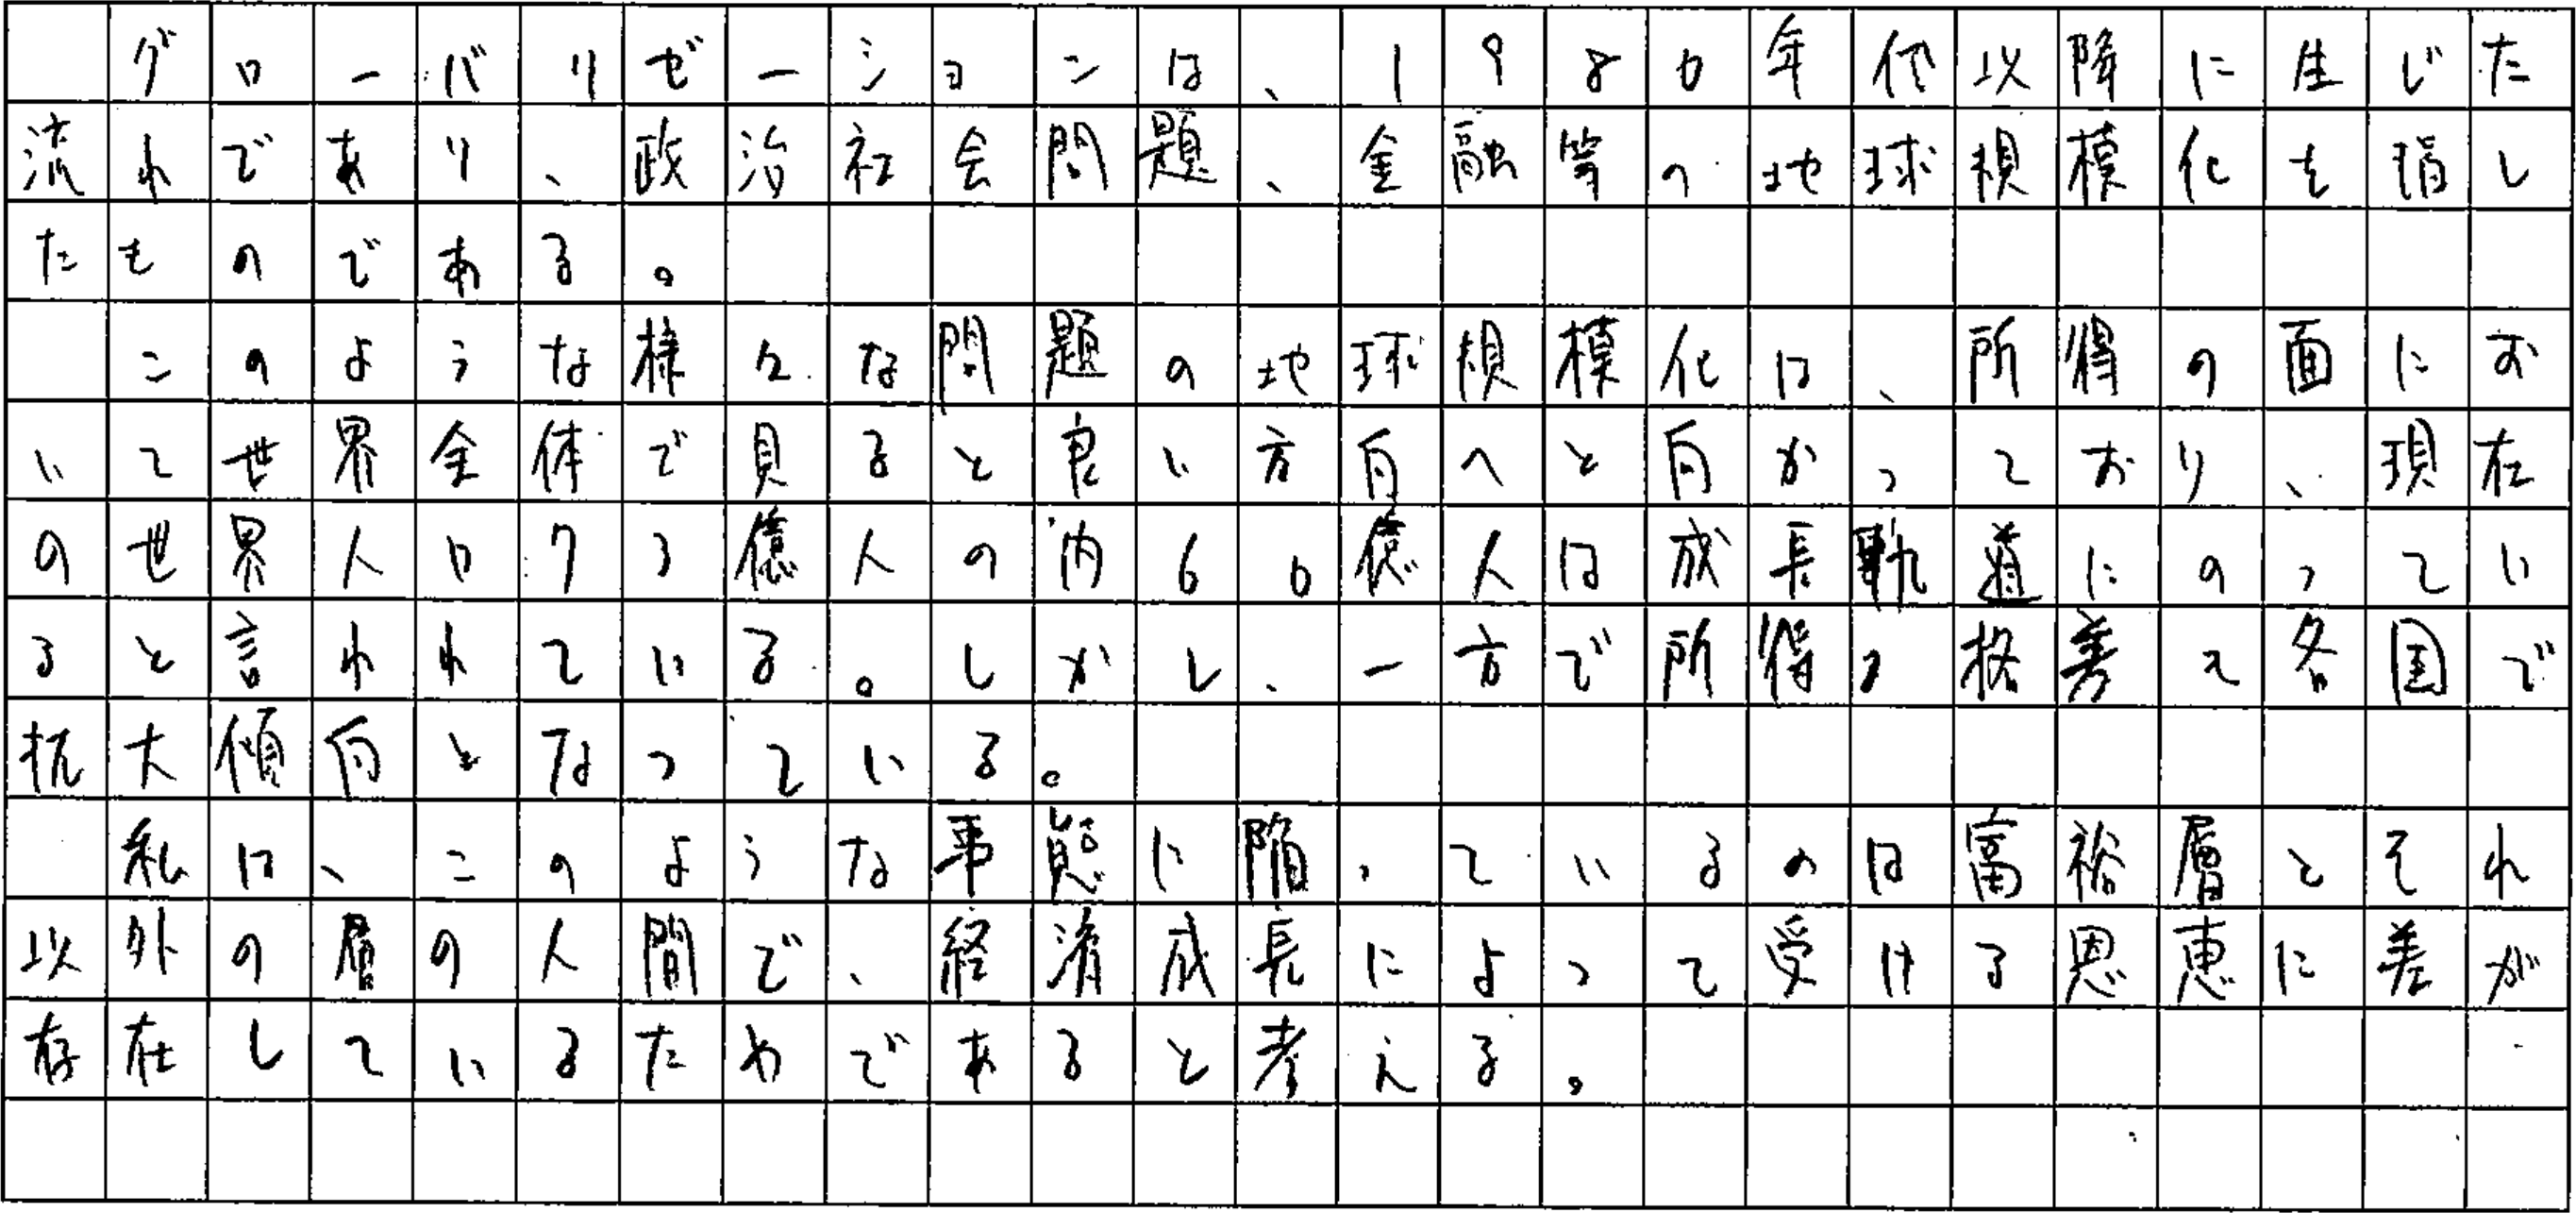　グローバリゼーションは、１９８０年代以降に生じた流れであり、政治社会問題、金融等の地球規模化を指したものである。
　このような様々な問題の地球規模化は、所得の面において世界全体で見ると良い方向へと向かっており、現在の世界人口７３億人の内６０億人は成長軌道にのっていると言われている。しかし、一方で所得の格差も各国で拡大傾向となっている。
　私は、このような事態に陥っているのは富裕層とそれ以外の層の人間で、経済成長によって受ける恩恵に差が存在しているためであると考える。
